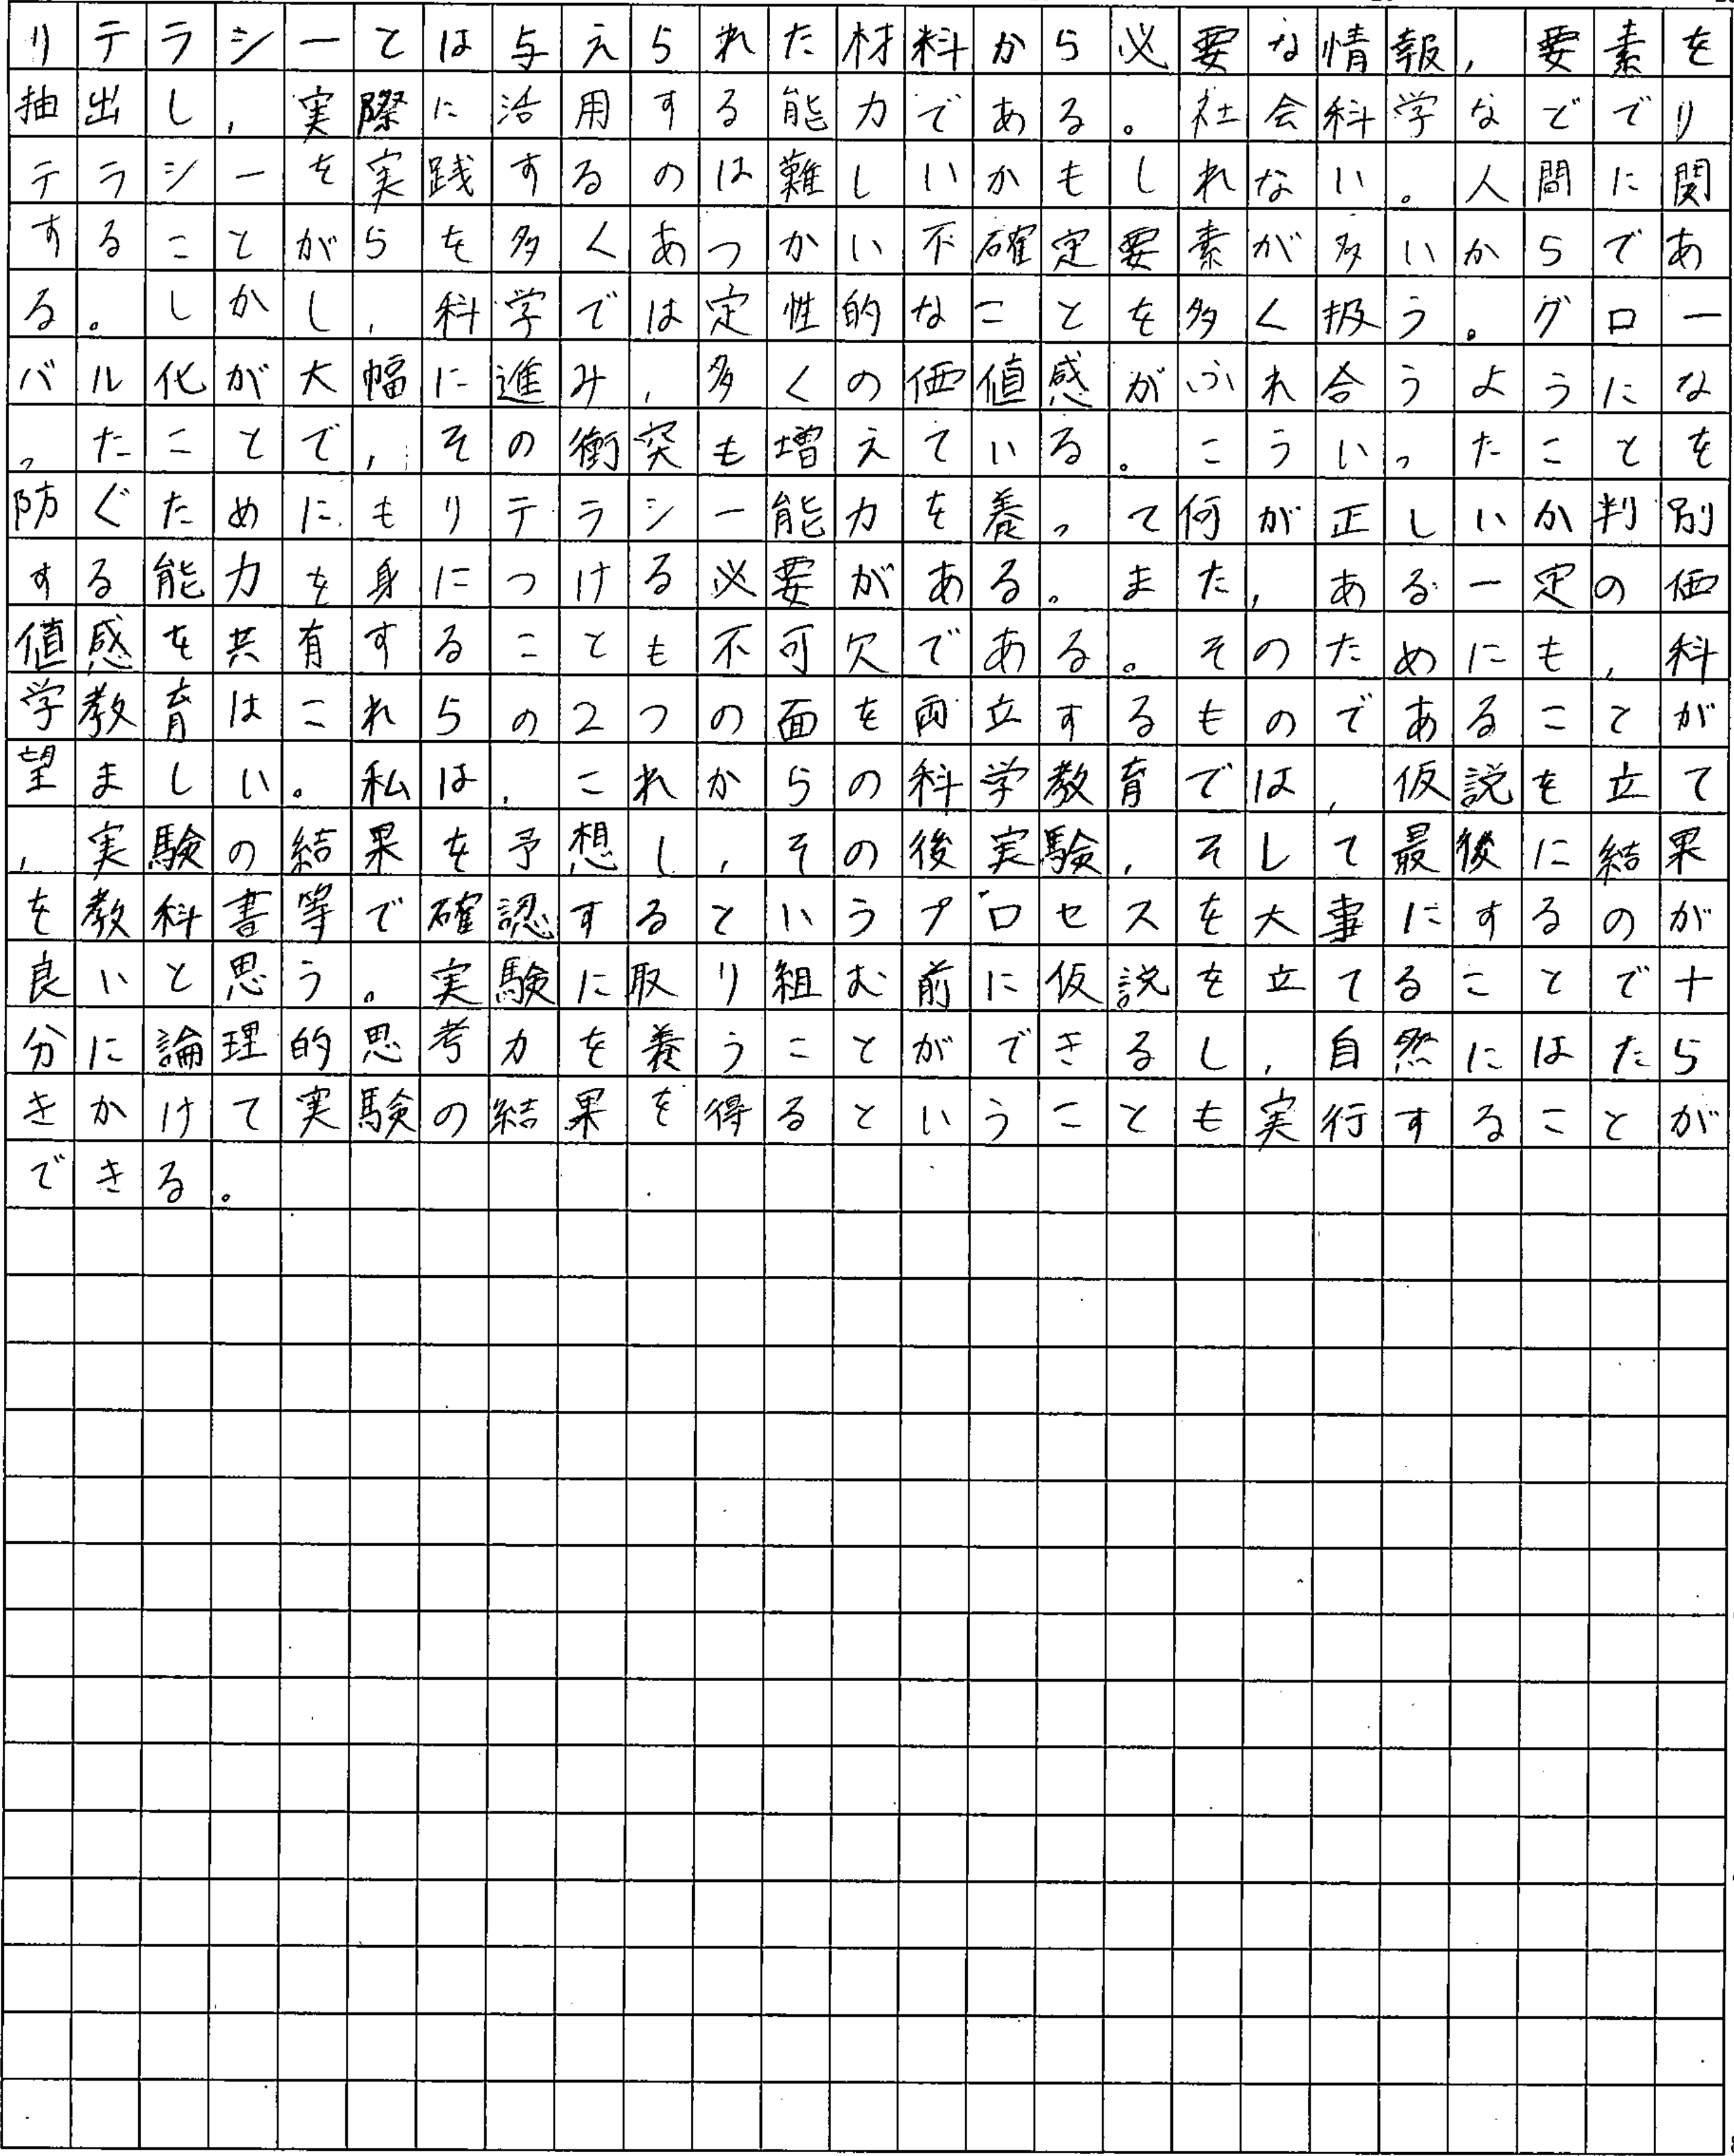リテラシーとは与えられた材料から必要な情報、要素を抽出し、実際に活用する能力である。社会科学などでリテラシーを実践するのは難しいかもしれない。人間に関することがらを多くあつかい不確定要素が多いからである。しかし、科学では定性的なことを多く扱う。グローバル化が大幅に進み、多くの価値感がふれ合うようになったことで、その衝突も増えている。こういったことを防ぐためにもリテラシー能力を養って何が正しいか判別する能力を身につける必要がある。また、ある一定の価値感を共有することも不可欠である。そのためにも、科学教育はこれらの２つの面を両立するものであることが望ましい。私は、これからの科学教育では、仮説を立て、実験の結果を予想し、その後実験、そして最後に結果を教科書等で確認するというプロセスを大事にするのが良いと思う。実験に取り組む前に仮説を立てることで十分に論理的思考力を養うことができるし、自然にはたらきかけて実験の結果を得るということも実行することができる。
